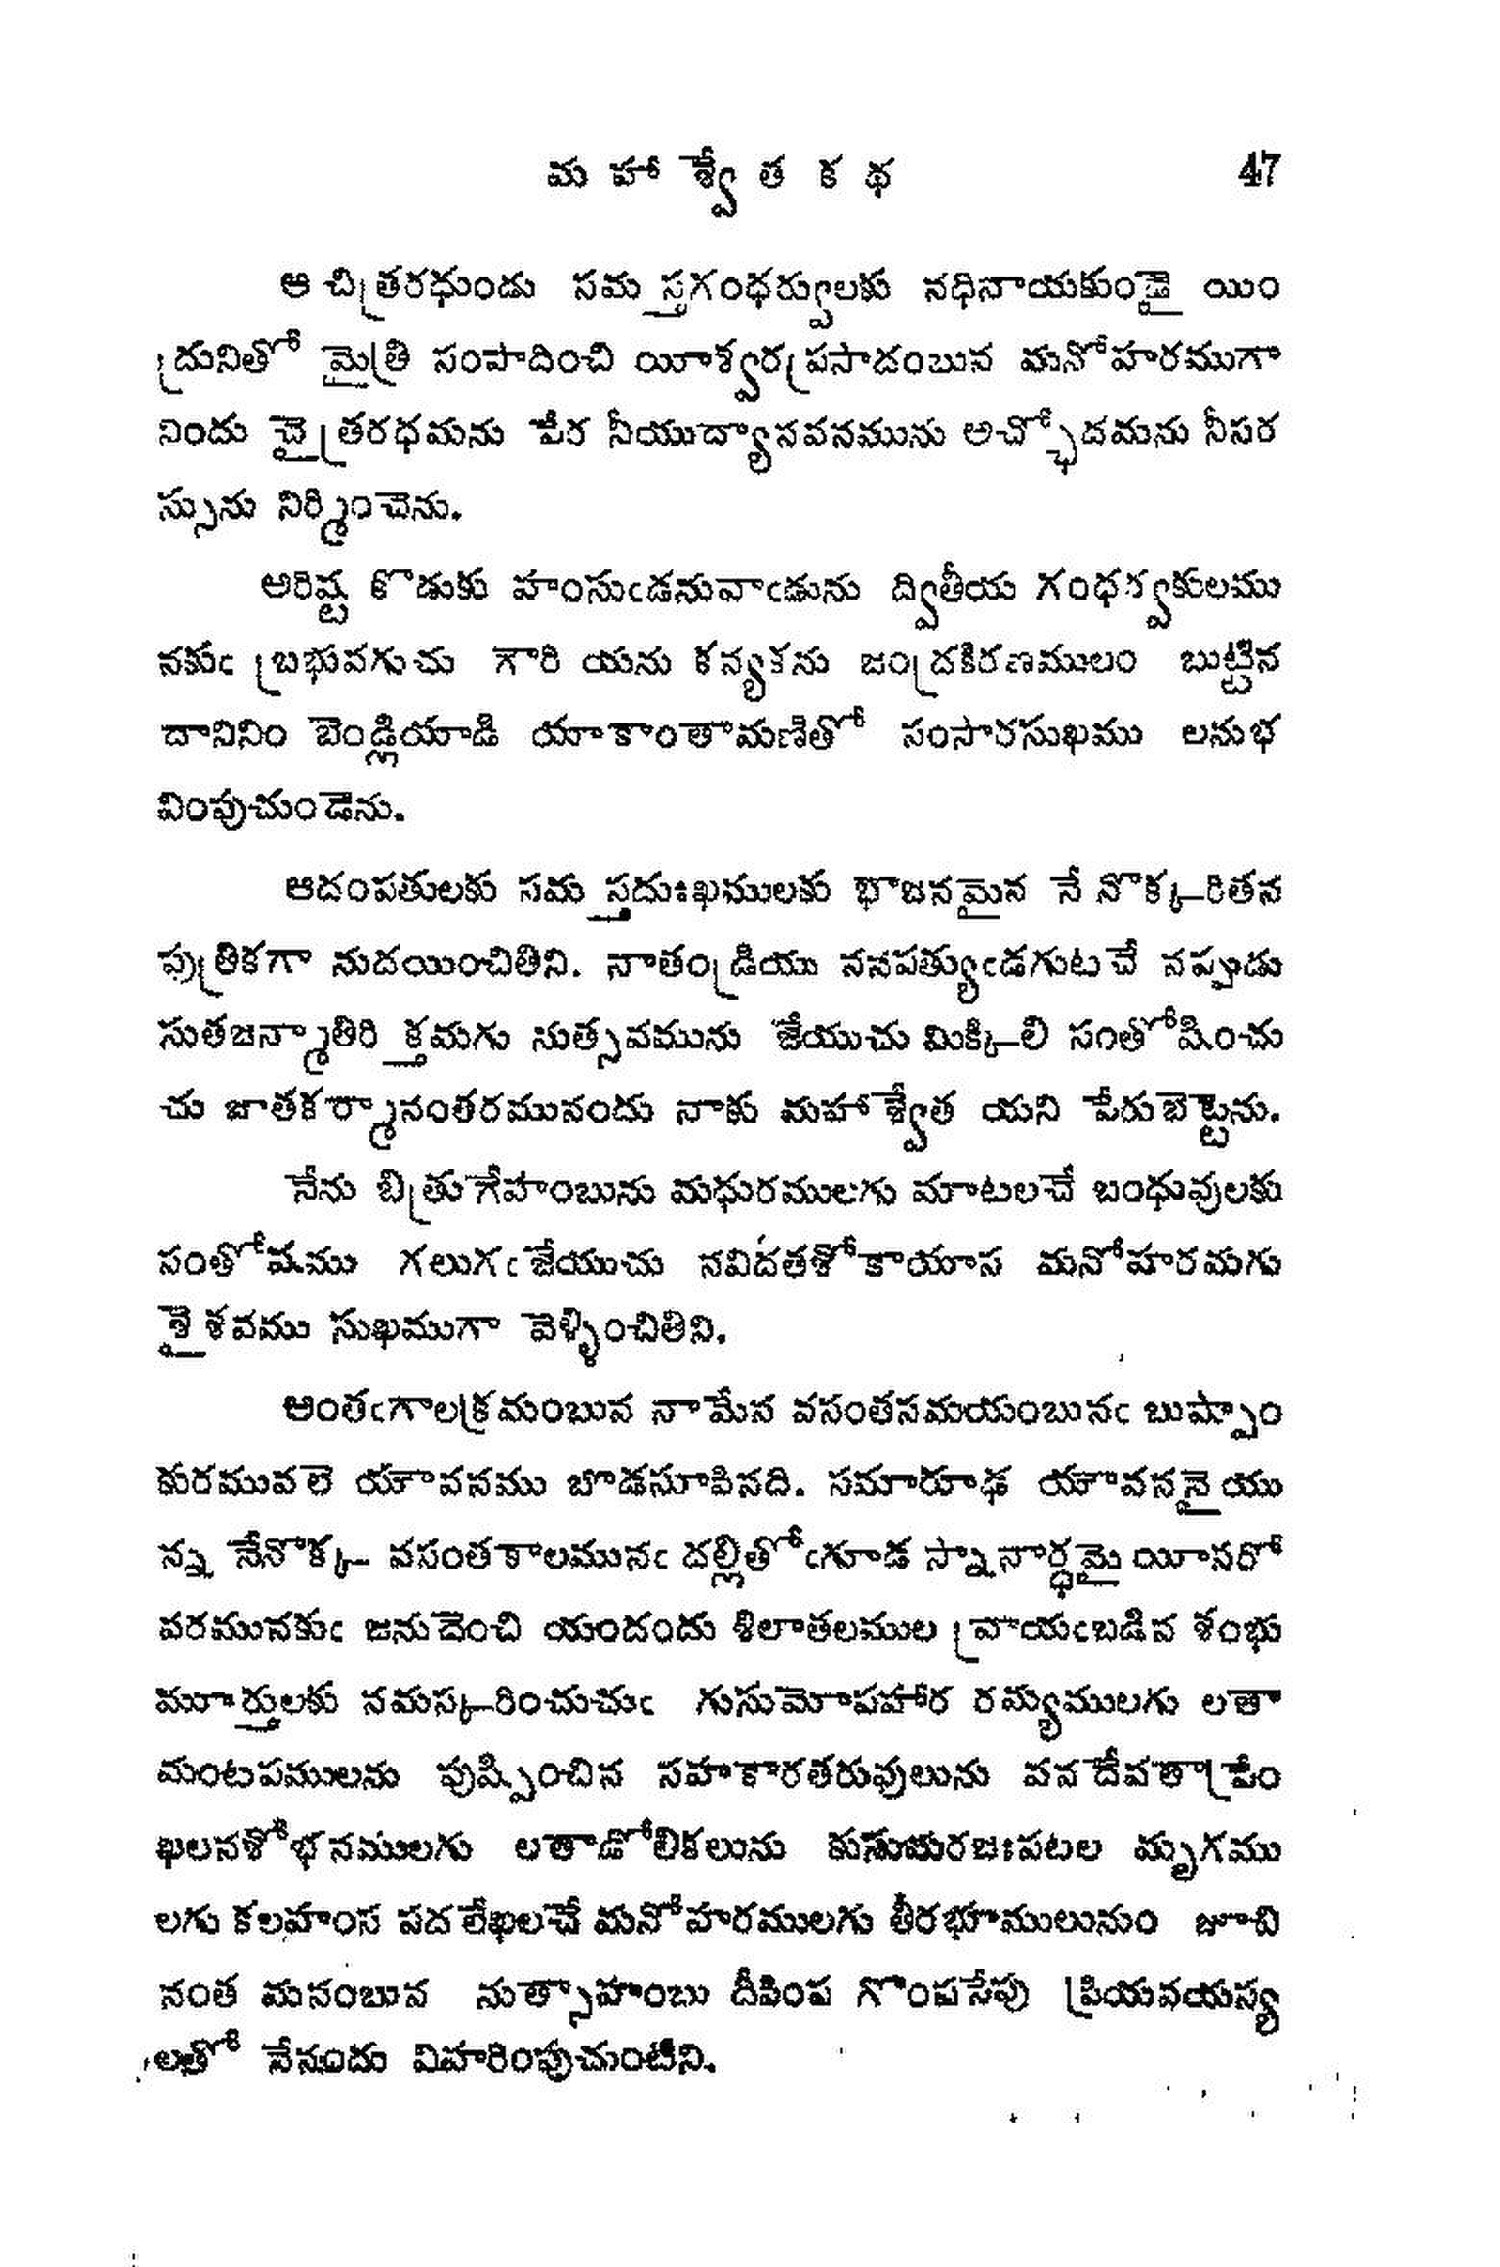ఆ చిత్రరధుండు సమస్తగంధర్వులకు నధినాయకుండై యింద్రునితో మైత్రి సంపాదించి యీశ్వరప్రసాదంబున మనోహరముగా నిందు చైత్రరధమను పేర నీయుద్యానవనమును అచ్ఛోదమను నీసరస్సును నిర్మించెను.

అరిష్ట కొడుకు హంసుఁడనువాఁడును ద్వితీయ గంధర్వకులమునకుఁ బ్రభువగుచు గౌరి యను కన్యకను జంద్రకిరణములం బుట్టిన దానినిం బెండ్లియాడి యాకాంతామణితో సంసారసుఖము లనుభవింపుచుండెను.

ఆదంపతులకు సమస్తదుఃఖములకు భాజనమైన నే నొక్కరితన పుత్రికగా నుదయించితిని. నాతండ్రియు ననపత్యుఁడగుటచే నప్పుడు సుతజన్మాతిరిక్తమగు నుత్సవమును జేయుచు మిక్కిలి సంతోషించుచు జాతకర్మానంతరమునందు నాకు మహాశ్వేత యని పేరుబెట్టెను.

నేను బిత్రుగేహంబును మధురములగు మాటలచే బంధువులకు సంతోషము గలుగఁజేయుచు నవిదతశోకాయాస మనోహరమగు శైశవము సుఖముగా వెళ్ళించితిని.

అంతఁగాలక్రమంబున నామేన వసంతసమయంబునఁ బుష్పాంకురమువలె యౌవనము బొడసూపినది. సమారూఢ యౌవననైయున్న నేనొక్క వసంతకాలమునఁ దల్లితోఁగూడ స్నానార్ధమై యీసరోవరమునకుఁ జనుదెంచి యందందు శిలాతలముల వ్రాయఁబడిన శంభుమూర్తులకు నమస్కరించుచుచుఁ గుసుమోపహార రమ్యములగు లతా మంటపములను పుష్పించిన సహకారతరువులును వనదేవతాప్రేంఖలనశోభనములగు లతాడోలికలును కుసుమరజఃపటల మృగములగు కలహంస పదలేఖలచే మనోహరములగు తీరభూములునుం జూచినంత మనంబున నుత్సాహంబు దీపింప గొంపసేపు ప్రియవయస్యలతో నేనందు విహరింపుచుంటిని.